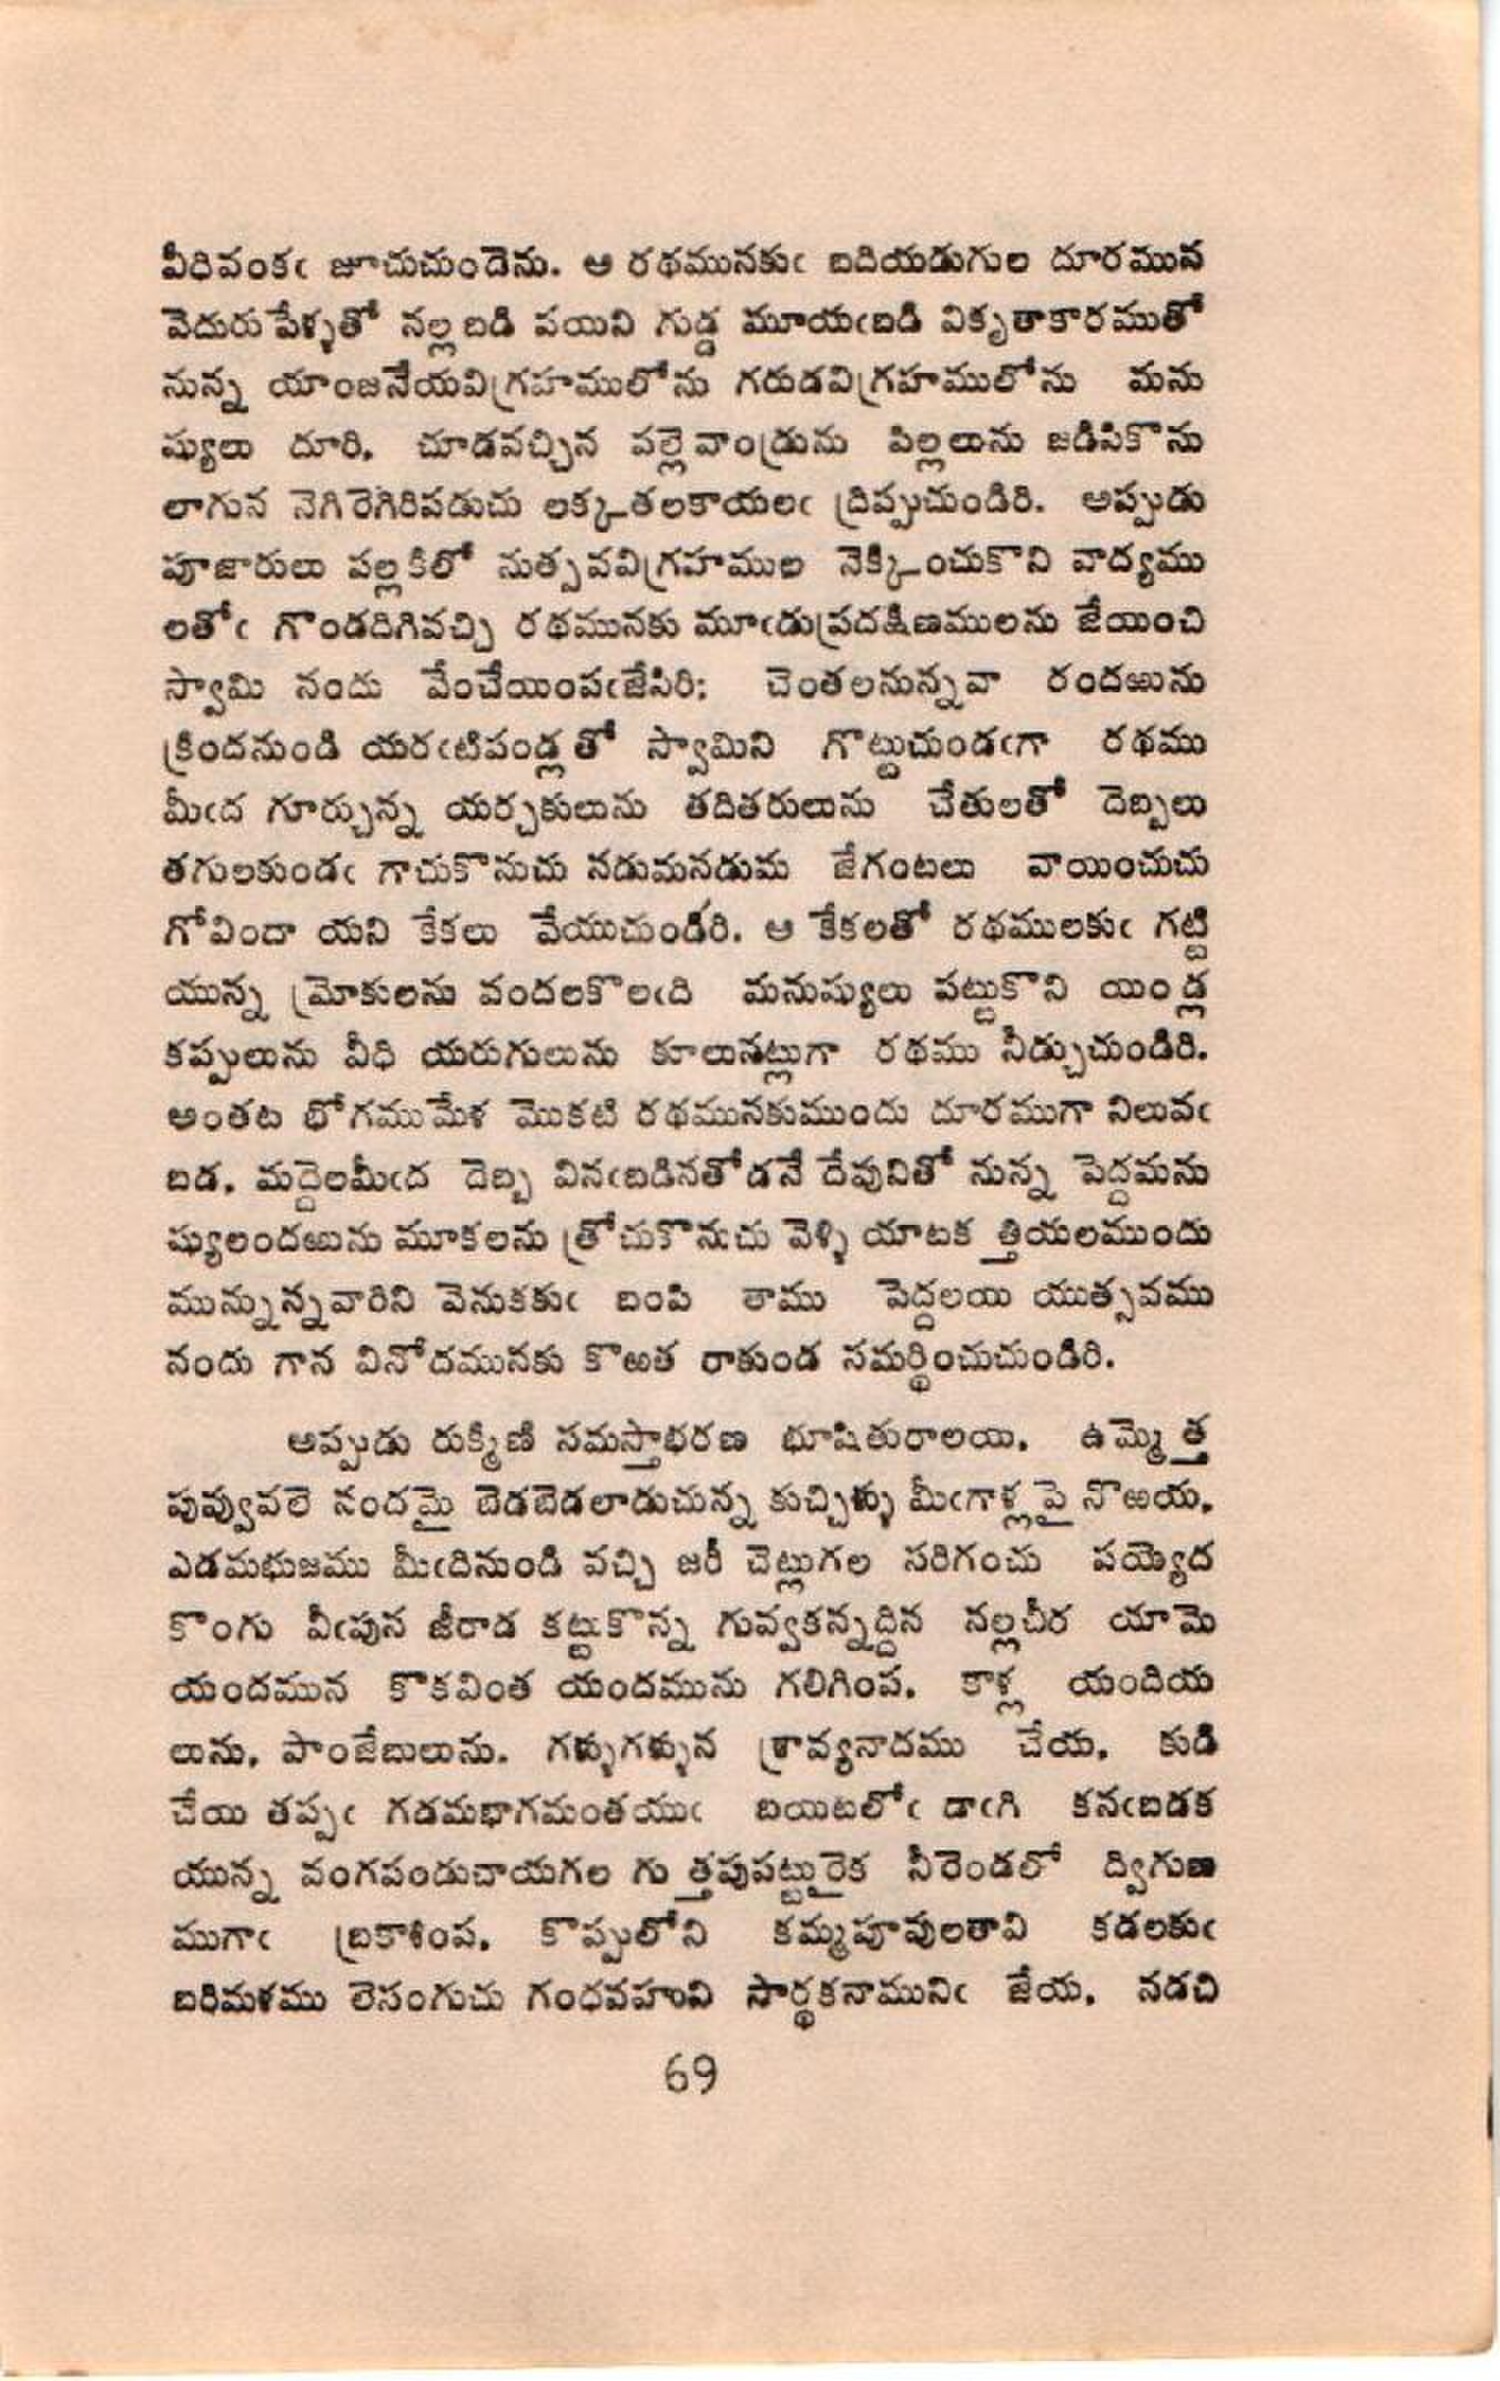వీధి వంకఁ జూచుచుండెను. ఆ రథమునకుఁ బదియడుగుల దూరమున వెదురు పేళ్ళతో నల్లబడి పయిని గుడ్డ మూయబడి వికృతాకారముతో నున్న యాంజనేయవిగ్రహములోను గరుడవిగ్రహములోను మనుష్యులు దూరి, చూడవచ్చిన పల్లె వాండ్రును పిల్లలను జడిసికొన లాగున నెగిరెగిరిపడుచు లక్కతలకాయలఁ ద్రిప్పుచుండిరి. అప్పడు పూజారులు పల్లకిలో నుత్సవవిగ్రహముల నెక్కించుకొని వాద్యము లతోఁ గొండదిగివచ్చి రథమునకు మూఁడు ప్రదక్షిణములను జేయించి స్వామి నందు వేంచేయింపఁజేసిరి; చెంతలనున్నవా రందఱును క్రిందనుండి యరఁటిపండ్లతో స్వామిని గొట్టుచుండగా రథము మీఁద గూర్చున్న యర్చకులును తదితరులును చేతులతో దెబ్బలు తగులకుండఁ గాచుకొనుచు నడుమ నడుమ జేగంటలు వాయించుచు గోవిందా యని కేకలు వేయుచుండిరి. ఆ కేకలతో రథములకుఁ గట్టి యున్న మోకులను వందలకొలఁది మనుష్యులు పట్టుకొని యిండ్ల కప్పులను వీధి యరుగులును కూలునట్లుగా రథము నీడ్చుచుండిరి. అంతట భోగముమేళ మొకటి రధమునకుముందు దూరముగా నిలువఁ బడ, మద్దెలమీఁద దెబ్బ వినఁబడినతోడనే దేవునితో నున్న పెద్ద మనుష్యు 
లందఱును మూకలను త్రోచుకొనుచు వెళ్ళి యాటకత్తియలముందు మున్నున్నవారిని వెనుకకుఁ బంపి తాము పెద్దలయి యుత్సవము నందు గాన వినోదమునకు కొఱత రాకుండ సమర్ధించుచుండిరి.

అప్పడు రుక్మిణి సమస్తాభరణ భూషితురాలయి, ఉమ్మెత్త పువ్వువలె నందమై బెడబెడలాడుచున్న కుచ్చిళ్ళు మీఁగాళ్లపై నొఱయ, ఎడమభుజము మీఁదినుండి వచ్చి జరీ చెట్లుగల సరిగంచు పయ్యెద కొంగు వీపున జీరాడ కట్టుకొన్న గువ్వకన్నద్దిన నల్లచీర యామె యందమున కొకవింత యందమును గలిగింప, కాళ్ల యందియ లును, పాంజేబులును. గళ్ళగళ్ళున శ్రావ్యనాదము చేయ, కుడి చేయి తప్పఁ గడమభాగమంతయుఁ బయిటలోఁ డాఁగి
కనబడక యున్న వంగపండుచాయగల గుత్తపుపట్టరైక నీరెండలో ద్విగుణ ముగాఁ బ్రకాశింప, కొప్పులోని కమ్మపూవులతావి కడలకుఁ బరిమళము లెసంగుచు గంధవహువి సార్ధకనామునిఁ జేయ, నడచి